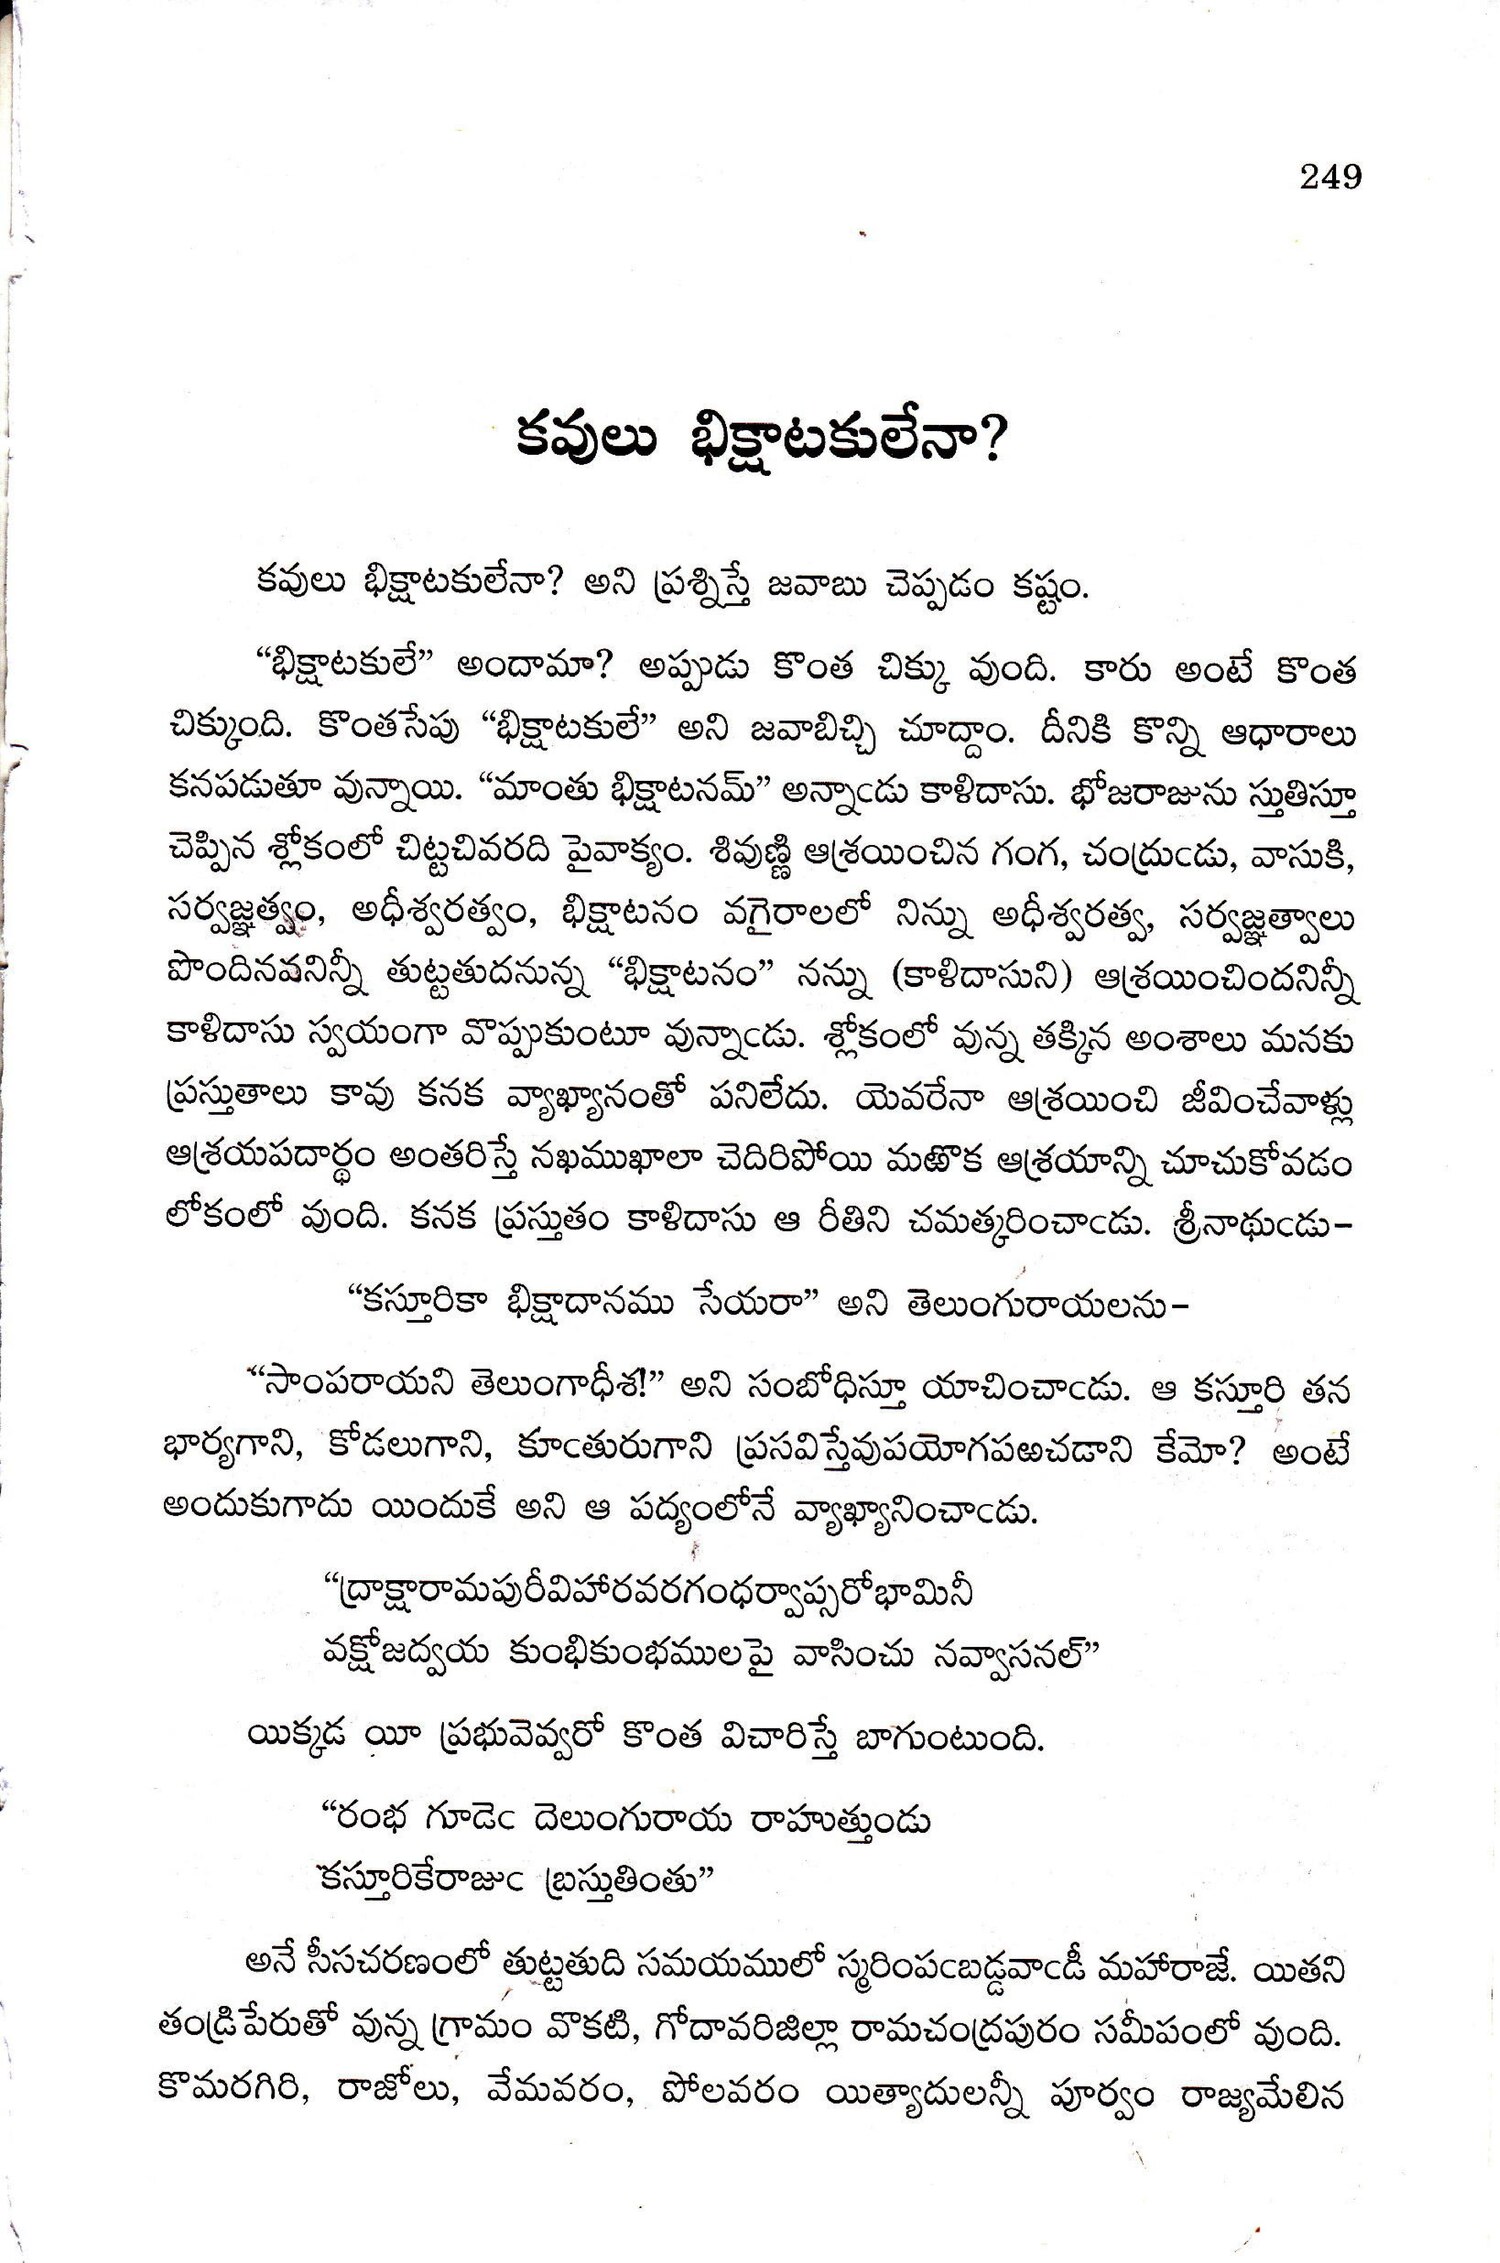కవులు భిక్షాటకులేనా?

కవులు భిక్షాటకులేనా? అని ప్రశ్నిస్తే జవాబు చెప్పడం కష్టం.

“భిక్షాటకులే” అందామా? అప్పుడు కొంత చిక్కు వుంది. కాదు అంటే కొంత చిక్కుంది. కొంతసేపు “భిక్షాటకులే” అని జవాబిచ్చి చూద్దాం. దీనికి కొన్ని ఆధారాలు కనపడుతూ వున్నాయి. “మాంతు భిక్షాటనమ్” అన్నాఁడు కాళిదాసు. భోజరాజును స్తుతిస్తూ చెప్పిన శ్లోకంలో చిట్టచివరది పైవాక్యం. శివుణ్ణి ఆశ్రయించిన గంగ, చంద్రుఁడు, వాసుకి, సర్వజ్ఞత్వం, అధీశ్వరత్వం, భిక్షాటనం వగైరాలలో నిన్ను అధీశ్వరత్వ, సర్వజ్ఞత్వాలు పొందినవనిన్నీ తుట్టతుదనున్న “భిక్షాటనం" నన్ను (కాళిదాసుని) ఆశ్రయించిందనిన్నీ కాళిదాసు స్వయంగా వొప్పుకుంటూ వున్నాఁడు. శ్లోకంలో వున్న తక్కిన అంశాలు మనకు ప్రస్తుతాలు కావు కనక వ్యాఖ్యానంతో పనిలేదు. యెవరేనా ఆశ్రయించి జీవించేవాళ్లు ఆశ్రయపదార్థం అంతరిస్తే నఖముఖాలా చెదిరిపోయి మఱొక ఆశ్రయాన్ని చూచుకోవడం లోకంలో వుంది. కనక ప్రస్తుతం కాళిదాసు ఆ రీతిని చమత్కరించాఁడు. శ్రీనాథుఁడు

“కస్తూరికా భిక్షాదానము సేయరా” అని తెలుంగురాయలను
“సాంపరాయని తెలుంగాధీశ!" అని సంబోధిస్తూ యాచించాఁడు. ఆ కస్తూరి తన భార్యగాని, కోడలుగాని, కూఁతురుగాని ప్రసవిస్తేవుపయోగపఱచడాని కేమో? అంటే అందుకుగాదు యిందుకే అని ఆ పద్యంలోనే వ్యాఖ్యానించాఁడు.

"ద్రాక్షారామపురీవిహారవరగంధర్వాప్సరోభామినీ 
 వక్షోజద్వయ కుంభికుంభములపై వాసించు నవ్వాసనల్
యిక్కడ యీ ప్రభువెవ్వరో కొంత విచారిస్తే బాగుంటుంది.

“రంభ గూడెఁ దెలుంగురాయ రాహుత్తుండు 
 కస్తూరికేరాజుఁ బ్రస్తుతింతు”
అనే సీసచరణంలో తుట్టతుది సమయములో స్మరింపఁబడ్డవాఁడీ మహారాజే. యితని తండ్రిపేరుతో వున్న గ్రామం వొకటి, గోదావరిజిల్లా రామచంద్రపురం సమీపంలో వుంది. కొమరగిరి, రాజోలు, వేమవరం, పోలవరం యిత్యాదులన్నీ పూర్వం రాజ్యమేలిన